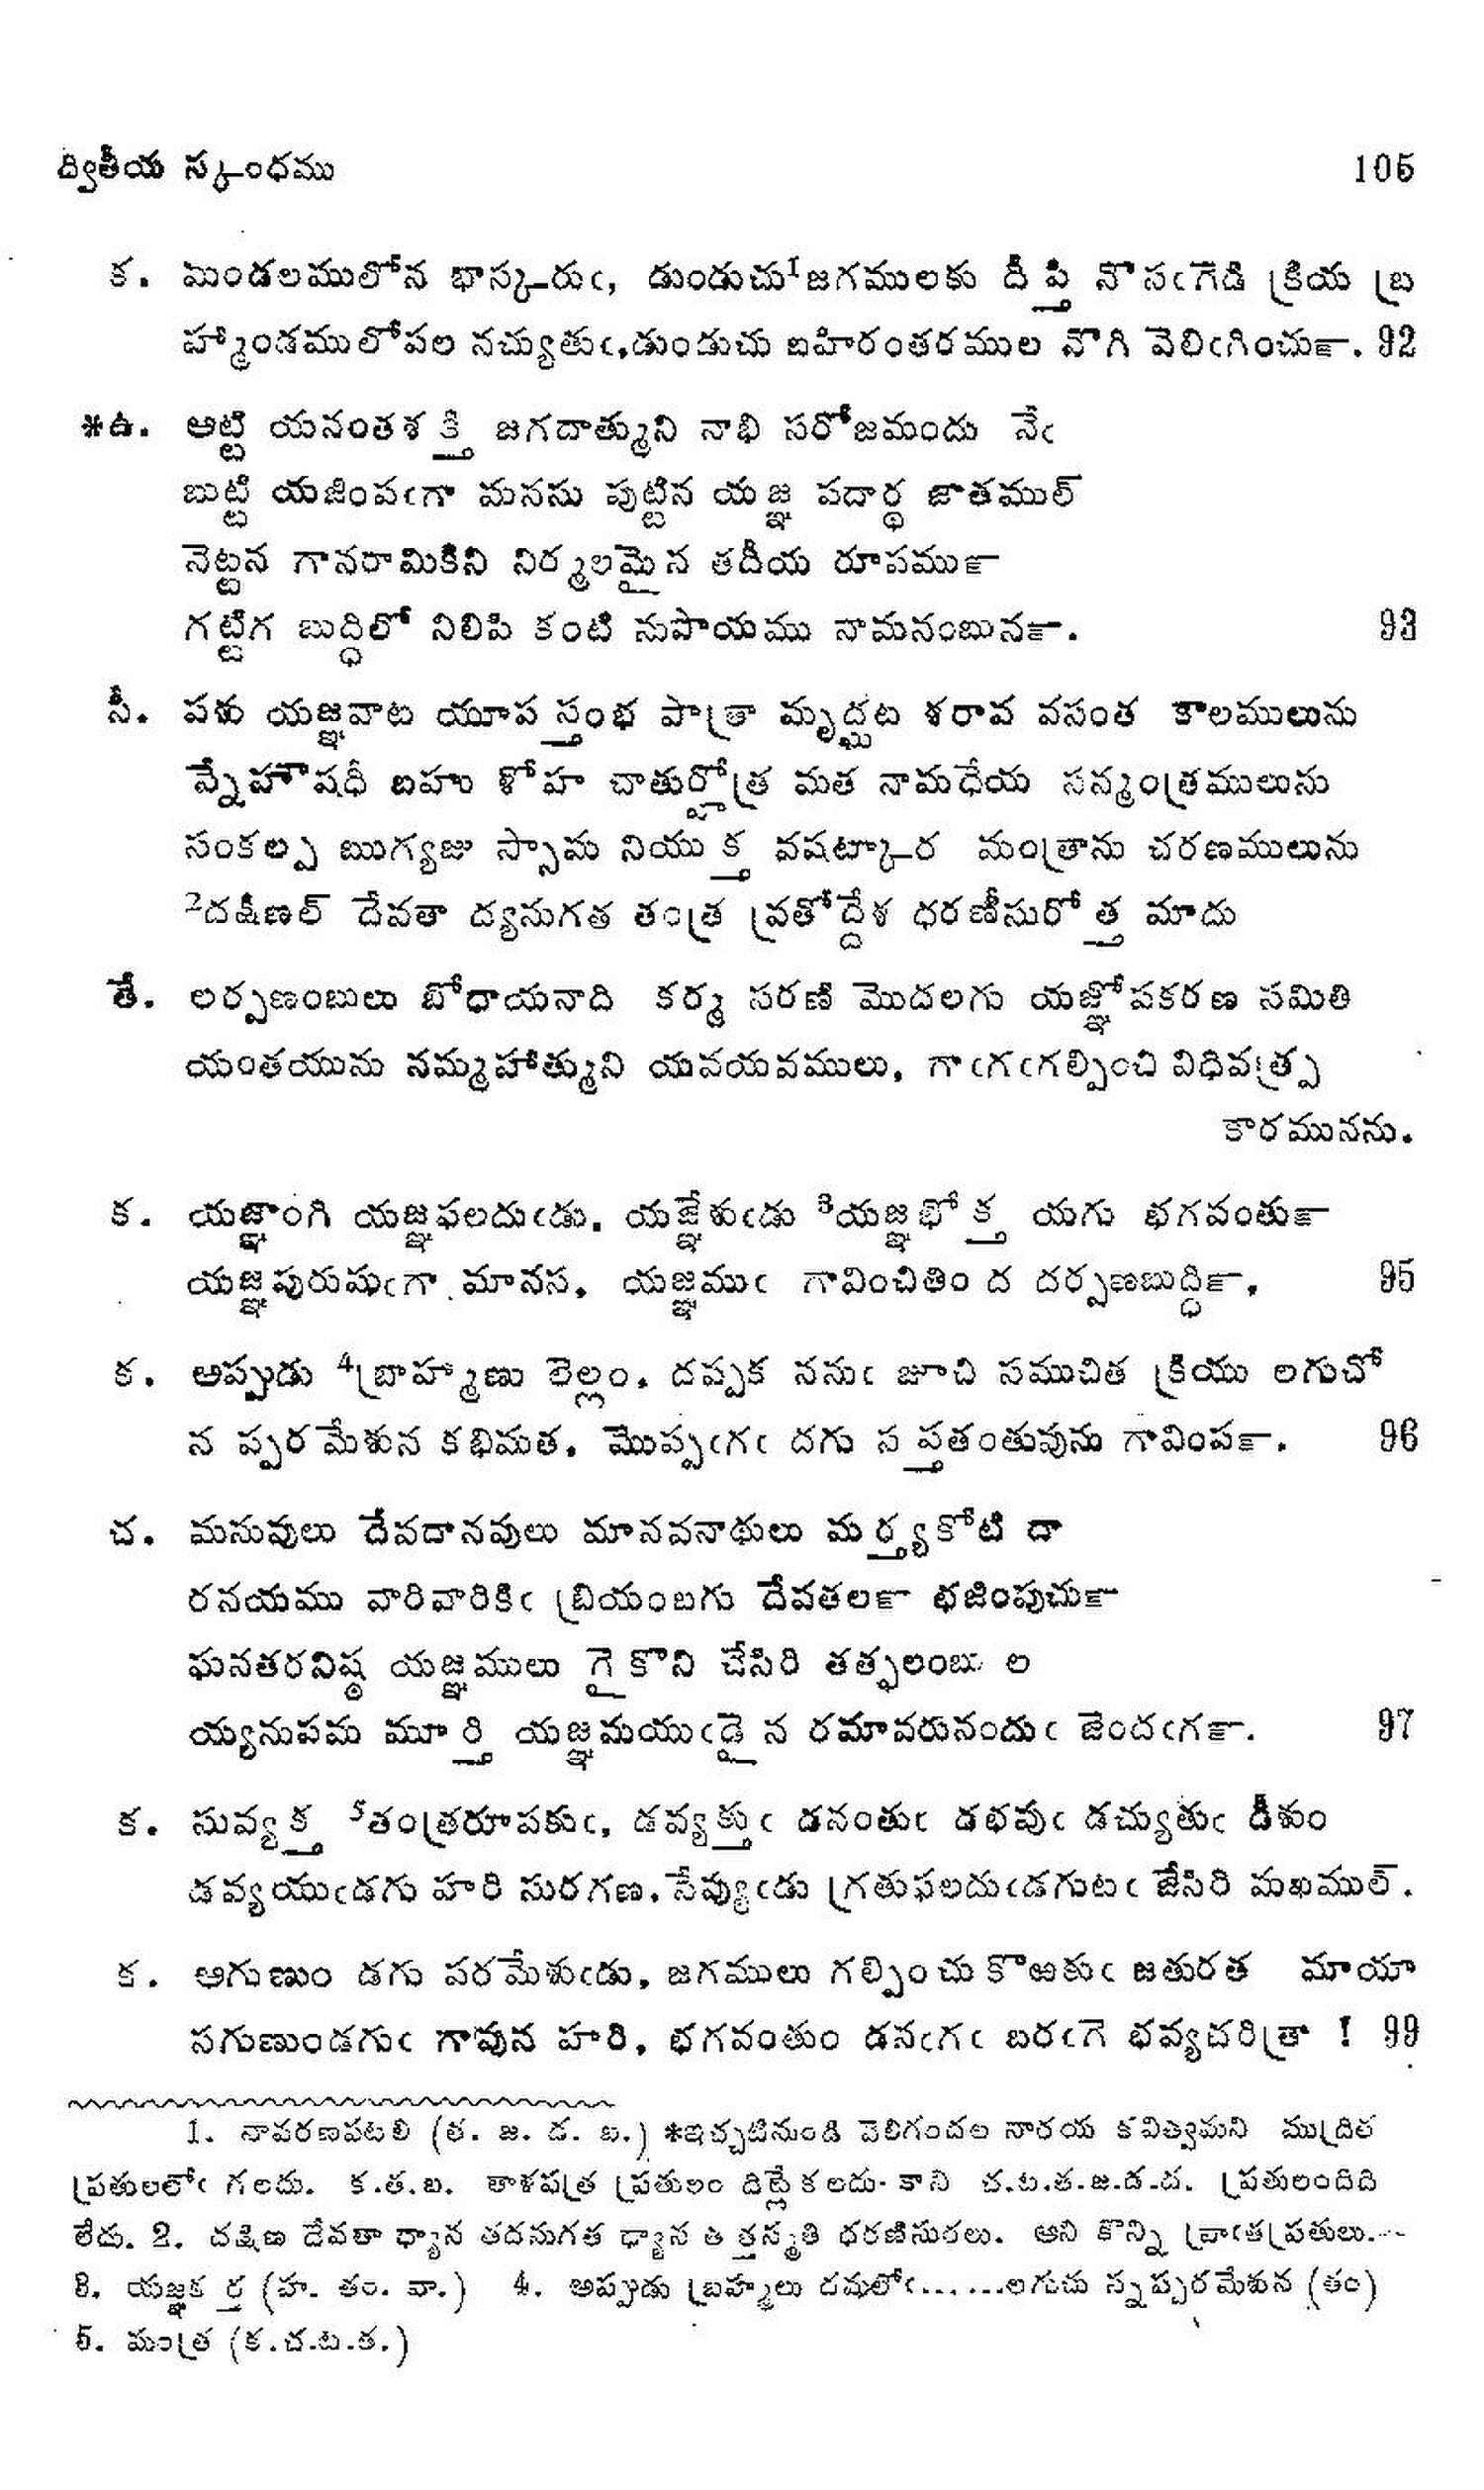105

క. మండలములోన భాస్కరుఁ, డుండుచు జగములకు దీప్తి నొసఁగెడి క్రియ బ్ర

హ్మాండములోపల నచ్యుతుఁ, డుండుచు బహిరంతరముల నొగి వెలిఁగించున్. ( 92 )

ఉ. అట్టి అనంతశ క్తి జగదాత్ముని నాభి సరోజమందు నేఁ

బుట్టి యజింపఁగా మనసు పుట్టిన యజ్ఞ పదార్ధ జాతముల్

నెట్టిన గానరామికిని నిర్మలమైన తదీయ రూపమున్

గట్టిగ బుద్ధిలో నిలిపి కంటి నుపాయము నామనంబునన్. ( 93 )

సీ. పశు యజ్ఞవాట యూపస్తంభ పాత్ర మృద్ఘట శరావ వసంత కాలములను

స్నేహౌషధీ బహు ళోహ చాతుర్హోత్ర మత నామధేయ సన్మంత్రములును

సంకల్ప ఋగ్యజు స్సామ నియుక్త వషట్కార మంత్రాను చరణములును

దక్షిణల్ దేవతా ద్యనుగత తంత్ర వ్రతోద్దేశ ధరణీసురోత్త మాదు

తే. లర్పణంబులు బోధాయనాది కర్మ సరణి మొదలగు యజ్ఞోపకరణ సమితి

యంతయును నమ్మహాత్ముని యవయవములు, గాఁగఁగల్పించి విధివత్ప్ర్ కారమునను. ( 94 )

క. యజ్ఞాంగి యజ్ఞఫలదుఁడు, యజ్ఞేశుఁడు యజ్ఞభోక్త యగు భగవంతున్

యజ్ఞపురుషుఁగా మానస, యజ్ఞముఁ గావించితిం ద దర్పణబుద్ధిన్. ( 95 )

క. అప్పుడు బ్రాహ్మణు లెల్లం, దప్పక ననుఁ చూచి సముచిత క్రియ లగుచో

న ప్పరమేశున కభిమత, మొప్పఁగఁ దగు సప్తతంతువును గావింపన్. ( 96 ) 

చ. మనువులు దేవదానవులు మానవనాథులు మర్త్యకోటి దా

రనయము వారివారికిఁ బ్రియంబగు దేవతలన్ భజింపుచున్

ఘనతరనిష్ఠ యజ్ఞములు గైకొని చేసిరి తత్ఫలంబు ల

య్యనుపమ మూర్తి యజ్ఞమయుఁడైన రమావరునందుఁ జెందఁగన్. ( 97 )

క. సువ్యక్త తంత్రరూపకుఁ, డవ్యక్తుఁ డనంతుఁ డభవుఁ డచ్యుతుఁ డీశుం

డవ్యయుఁడగు హరి సురగణ, సేవ్యుఁడు గ్రతుఫలదుఁడగుటఁ జేసిరి మఖముల్. ( 98 )

క. అగుణం డగు పరమేశుఁడు, జగములు గల్పించు కొఱకుఁ జతురత మాయా

సగుణుండగుఁ గావున హరి, భగవంతుం డనఁగఁ బరఁగె భవ్యచరిత్రా! ( 99 )